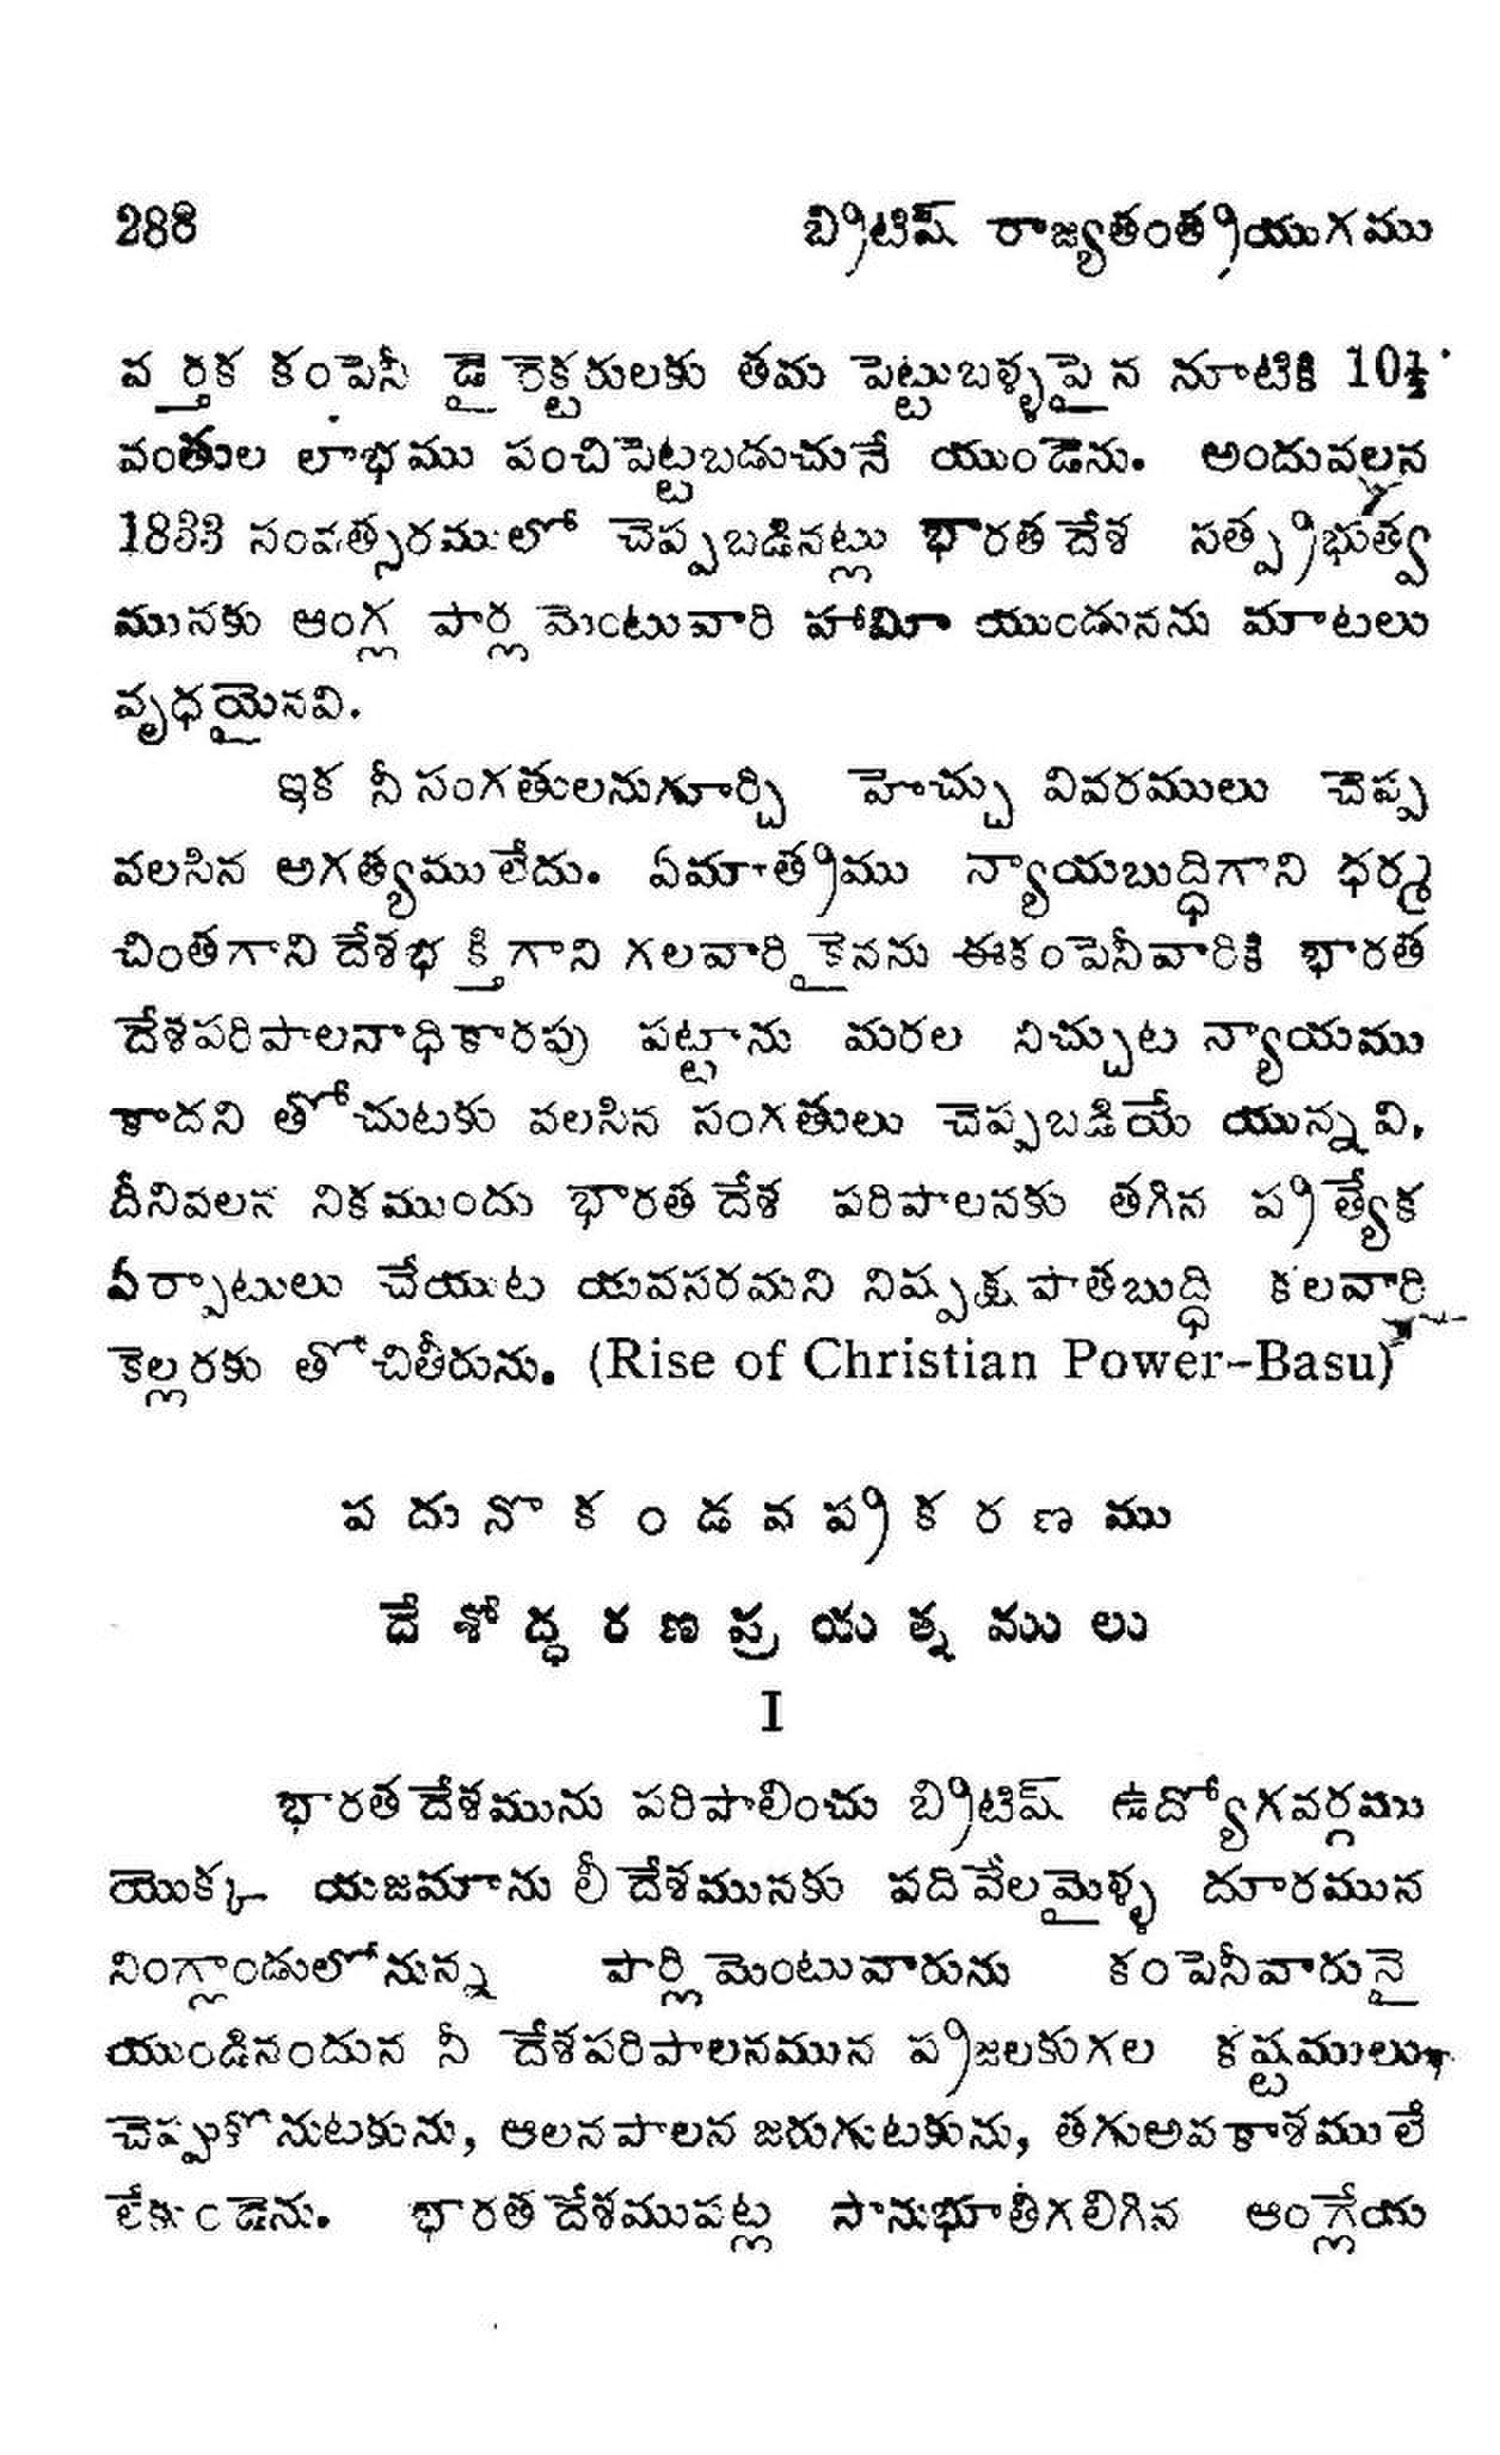వర్తక కంపెనీ డైరెక్టరులకు తమ పెట్టుబళ్ళపైన నూటికి 10 1/2 వంతుల లాభము పంచిపెట్టబడుచునే యుండెను. అందువలన 1833 సంవత్సరములో చెప్పబడినట్లు భారతదేశ సత్ప్రభుత్వమునకు ఆంగ్ల పార్లమెంటువారి హామీ యుండునను మాటలు వృధయైనవి.

ఇక నీసంగతులనుగూర్చి హెచ్చు వివరములు చెప్పవలసిన అగత్యములేదు. ఏమాత్రము న్యాయబుద్దిగాని ధర్మ చింతగాని దేశభక్తిగాని గలవారికైనను ఈకంపెనీవారికి భారతదేశపరిపాలనాధికారపు పట్టాను మరల నిచ్చుట న్యాయము కాదని తోచుటకు వలసిన సంగతులు చెప్పబడియే యున్నవి, దీనివలన నికముందు భారతదేశ పరిపాలనకు తగిన ప్రత్యేక ఏర్పాటులు చేయుట యవసరమని నిష్పక్షపాతబుద్ధి కలవారి కెల్లరకు తోచితీరును. (Rise of Christian Power-Basu)

పదునొకండవ ప్రకరణము 
దేశోద్ధరణ ప్రయత్నములు
I

భారతదేశమును పరిపాలించు బ్రిటిష్ ఉద్యోగవర్గముయొక్క యజమాను లీ దేశమునకు పదివేలమైళ్ళ దూరమున నింగ్లాండులోనున్న పార్లిమెంటువారును కంపెనీవారునై యుండినందున నీ దేశపరిపాలనము చెప్పుకొనుటకును, ఆలనపాలన జరుగుటకును, తగుఅవకాశములే లేకుండెను. భారతదేశముపట్ల సానుభూతిగలిగిన ఆంగ్లేయ